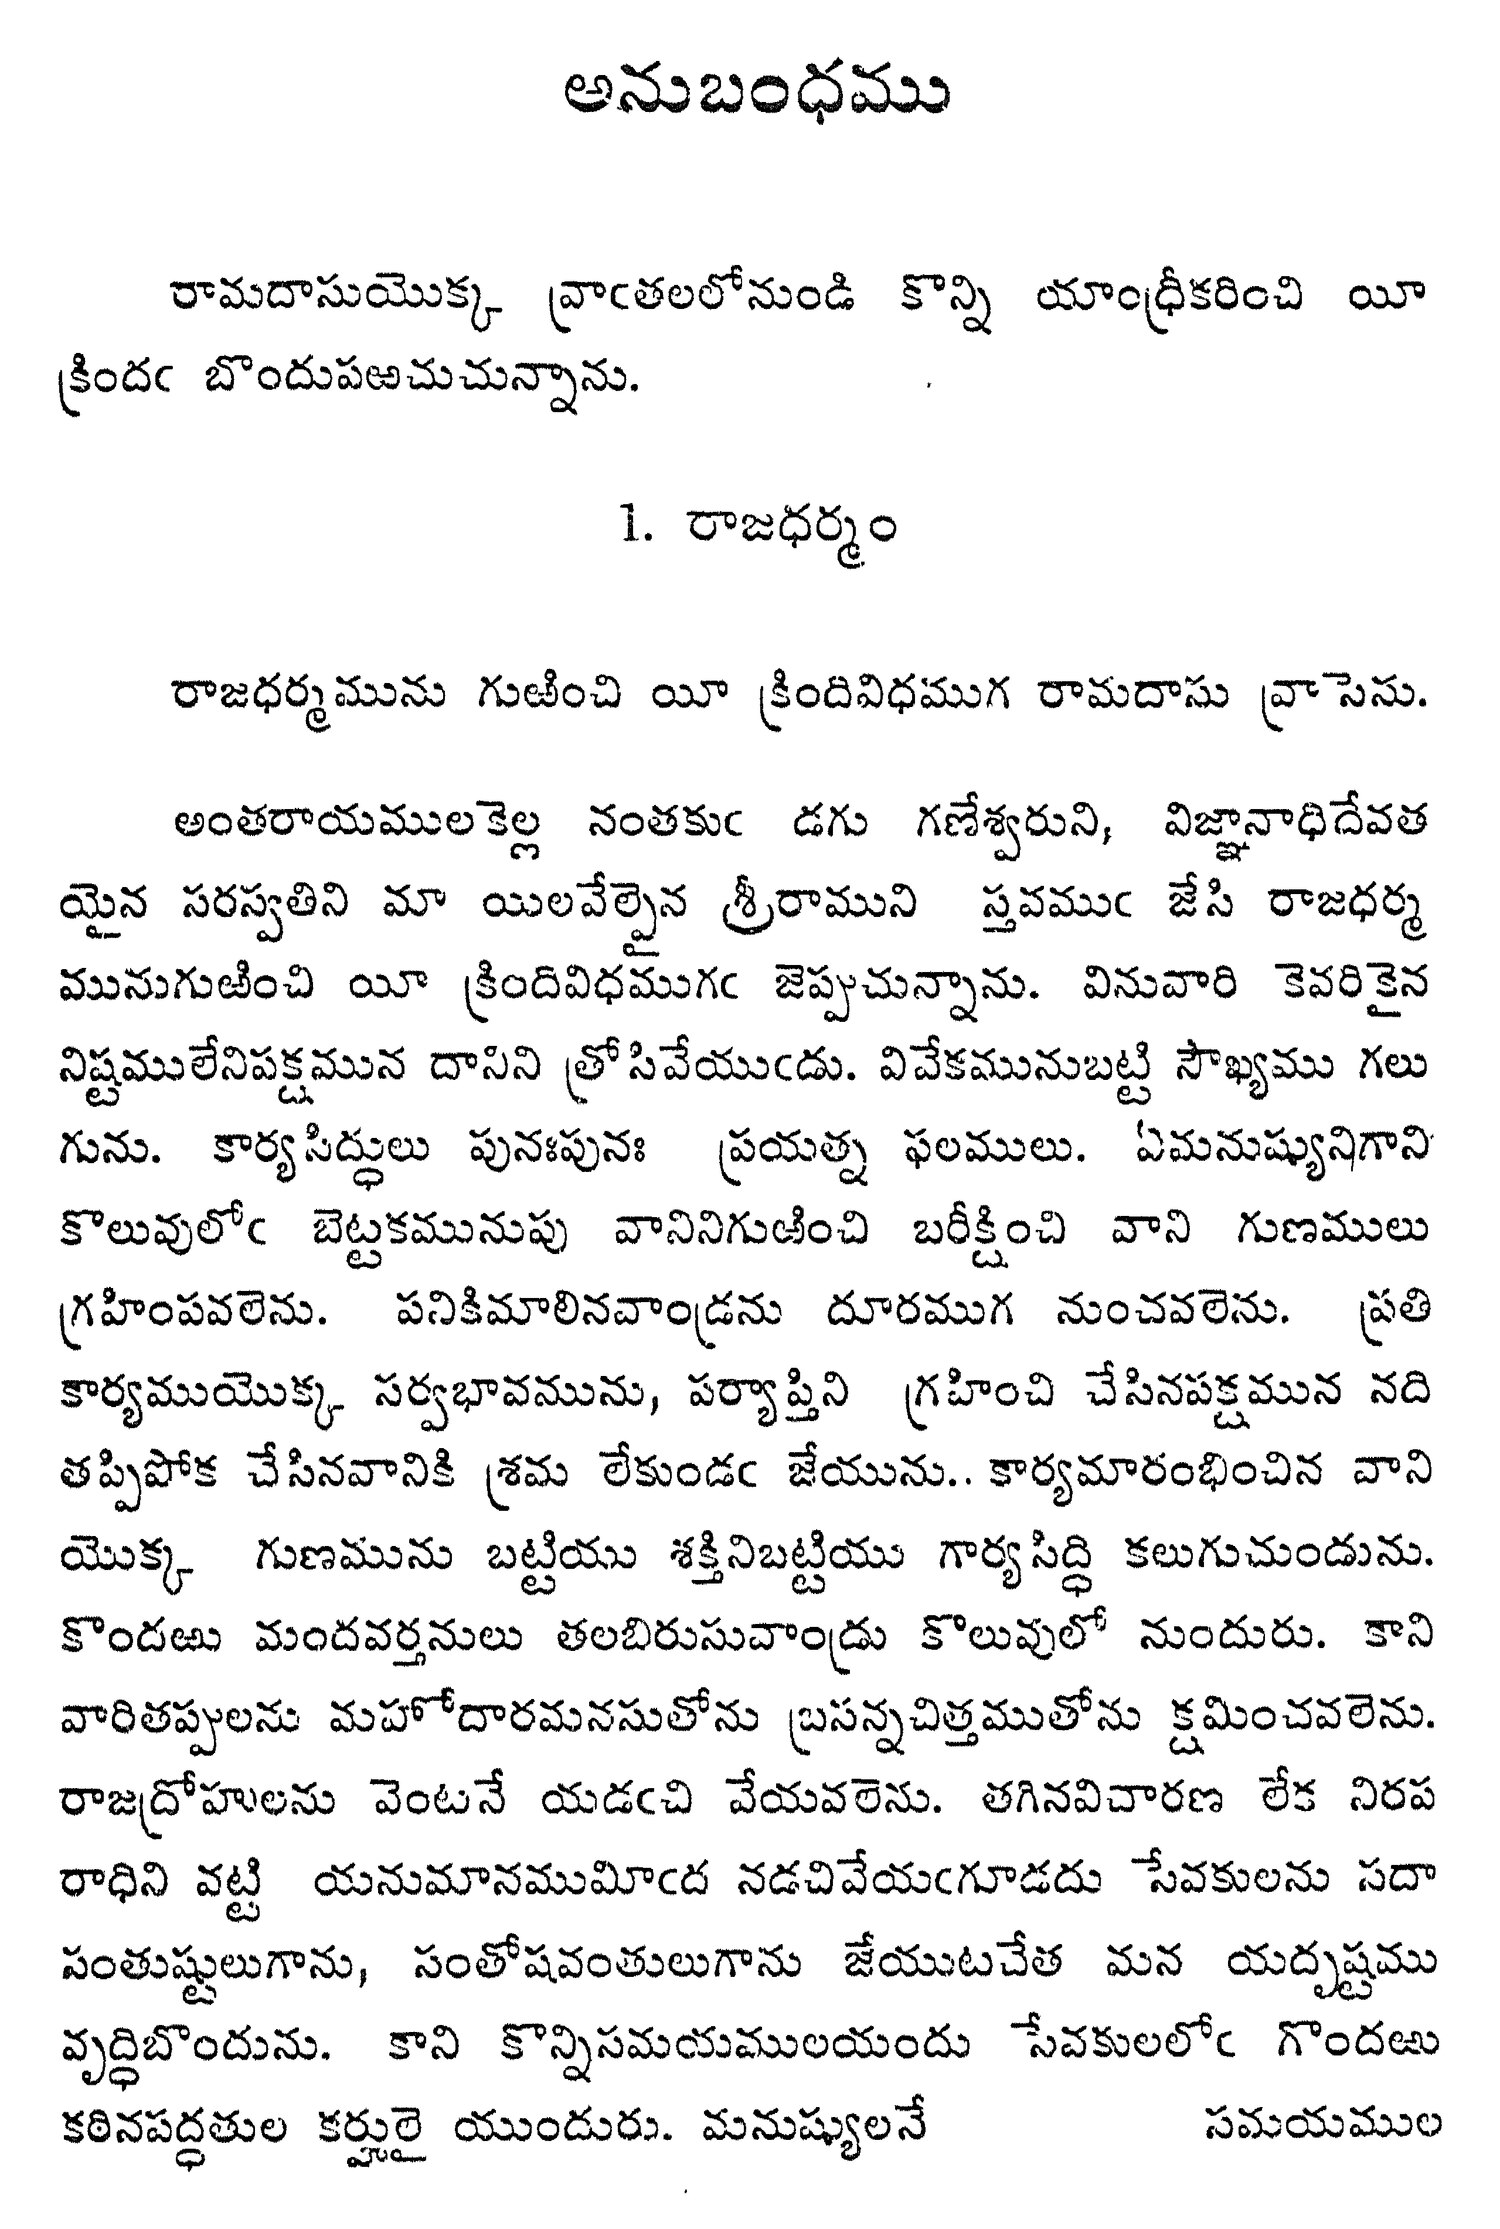రామదాసుయొక్క వ్రాతలలోనుండి కొన్ని యాంధ్రీకరించి యీ క్రింద బొందుపఱచుచున్నాను.

రాజధర్మమును గుఱించి యీ క్రిందివిధముగ రామదాసు వ్రాసెను.

అంతరాయములకెల్ల నంతకు డగు గణేశ్వరుని, విజ్ఞానాధిదేవతయైన సరస్వతిని మా యిలవేల్పైన శ్రీరాముని స్తవము జేసి రాజధర్మమునుగుఱించి యీ క్రిందివిధముగ జెప్పుచున్నాను. వినువారి కెవరికైన నిష్టములేనిపక్షమున దానిని త్రోసివేయుడు. వివేకమునుబట్టి సౌఖ్యము గలుగును. కార్యసిద్ధులు పున:పున: ప్రయత్న ఫలములు. ఏమనుష్యునిగాని కొలువులో బెట్టకమునుపు వానినిగుఱించి బరీక్షించి వాని గుణములు గ్రహింపవలెను. పనికిమాలినవాండ్రను దూరముగ నుంచవలెను. ప్రతి కార్యముయొక్క సర్వభావమును, పర్యాప్తిని గ్రహించి చేసినపక్షమున నది తప్పిపోక చేసినవానికి శ్రమ లేకుండ జేయును. కార్యమారంభించిన వానియొక్క గుణమును బట్టియు శక్తినిబట్టియు గార్యసిద్ధి కలుగుచుండును. కొందఱు మందవర్తనులు తలబిరుసువాండ్రు కొలువులో నుందురు. కాని వారితప్పులను మహోదారమనసుతోను బ్రసన్నచిత్తముతోను క్షమించవలెను. రాజద్రోహులను వెంటనే యడచి వేయవలెను. తగినవిచారణ లేక నిరపరాధిని వట్టి యనుమానముమీద నడచివేయగూడదు సేవకులను సదా సంతుష్టులుగాను, సంతోషవంతులుగాను జేయుటచేత మన యదృష్టము వృద్ధిబొందును. కాని కొన్నిసమయములయందు సేవకులలో గొందఱు కఠినపద్ధతుల కర్హులై యుందురు. మనుష్యులనే సమయముల